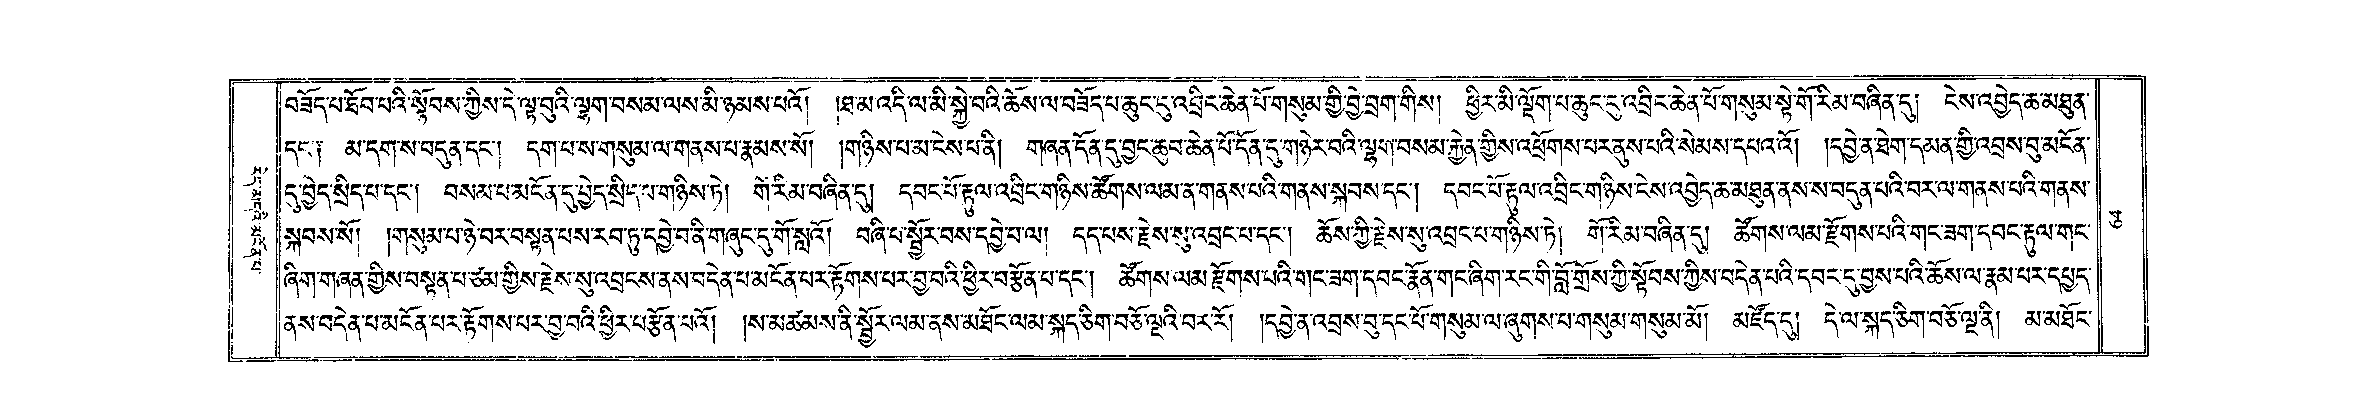བཟོད་པ་ཐོབ་པའི་སྟོབས་ཀྱིས་དེ་ལྟ་བུའི་ལྷག་བསམ་ལས་མི་ཉམས་པའོ། །ཐ་མ་འདི་ལ་མི་སྐྱེ་བའི་ཆོས་ལ་བཟོད་པ་ཆུང་ངུ་འབྲིང་ཆེན་པོ་གསུམ་གྱི་བྱེ་བྲག་གིས། ཕྱིར་མི་ལྡོག་པ་ཆུང་ངུ་འབྲིང་ཆེན་པོ་གསུམ་སྟེ་གོ་རིམ་བཞིན་དུ། ངེས་འབྱེད་ཆ་མཐུན་
དང༑ མ་དགས་བདུན་དང་། དག་པ་ས་གསུམ་ལ་གནས་པ་རྣམས་སོ། །གཉིས་པ་མ་ངེས་པ་ནི། གཞན་དོན་དུ་བྱང་ཆུབ་ཆེན་པོ་དོན་དུ་གཉེར་བའི་ལྷག་བསམ་རྐྱེན་གྱིས་འཕྲོགས་པར་ནུས་པའི་སེམས་དཔའ་འོ། །དབྱེ་ན་ཐེག་དམན་གྱི་འབྲས་བུ་མངོན་
དུ་བྱེད་སྲིད་པ་དང་། བསམ་པ་མངོན་དུ་བྱེད་སྲིད་པ་གཉིས་ཏེ། གོ་རིམ་བཞིན་དུ། དབང་པོ་རྟུལ་འབྲིང་གཉིས་ཚོགས་ལམ་ན་གནས་པའི་གནས་སྐབས་དང་། དབང་པོ་རྟུལ་འབྲིང་གཉིས་ངེས་འབྱེད་ཆ་མཐུན་ནས་ས་བདུན་པའི་བར་ལ་གནས་པའི་གནས་
སྐབས་སོ། །གསུམ་པ་ཉེ་བར་བསྟན་པས་རབ་ཏུ་དབྱེ་བ་ནི་གཞུང་དུ་གོ་སླའོ། བཞི་པ་སྦྱོར་བས་དབྱེ་བ་ལ། དད་པས་རྗེས་སུ་འབྲང་པ་དང་། ཆོས་ཀྱི་རྗེས་སུ་འབྲང་པ་གཉིས་ཏེ། གོ་རིམ་བཞིན་དུ། ཚོགས་ལམ་རྫོགས་པའི་གང་ཟག་དབང་རྟུལ་གང་
ཞིག་གཞན་གྱིས་བསྟན་པ་ཙམ་གྱིས་རྗེས་སུ་འབྲངས་ནས་བདེན་པ་མངོན་པར་རྟོགས་པར་བྱ་བའི་ཕྱིར་བརྩོན་པ་དང་། ཚོགས་ལམ་རྫོགས་པའི་གང་ཟག་དབང་རྣོན་གང་ཞིག་རང་གི་བློ་གྲོས་ཀྱི་སྟོབས་ཀྱིས་བདེན་པའི་དབང་དུ་བྱས་པའི་ཆོས་ལ་རྣམ་པར་དཔྱད་
ནས་བདེན་པ་མངོན་པར་རྟོགས་པར་བྱ་བའི་ཕྱིར་བརྩོན་པའོ། །ས་མཚམས་ནི་སྦྱོར་ལམ་ནས་མཐོང་ལམ་སྐད་ཅིག་བཅོ་ལྔའི་བར་རོ། །དབྱེ་ན་འབྲས་བུ་དང་པོ་གསུམ་ལ་ཞུགས་པ་གསུམ་གསུམ་མོ། མཛོད་དུ། དེ་ལ་སྐད་ཅིག་བཅོ་ལྔ་ནི། མ་མཐོང་